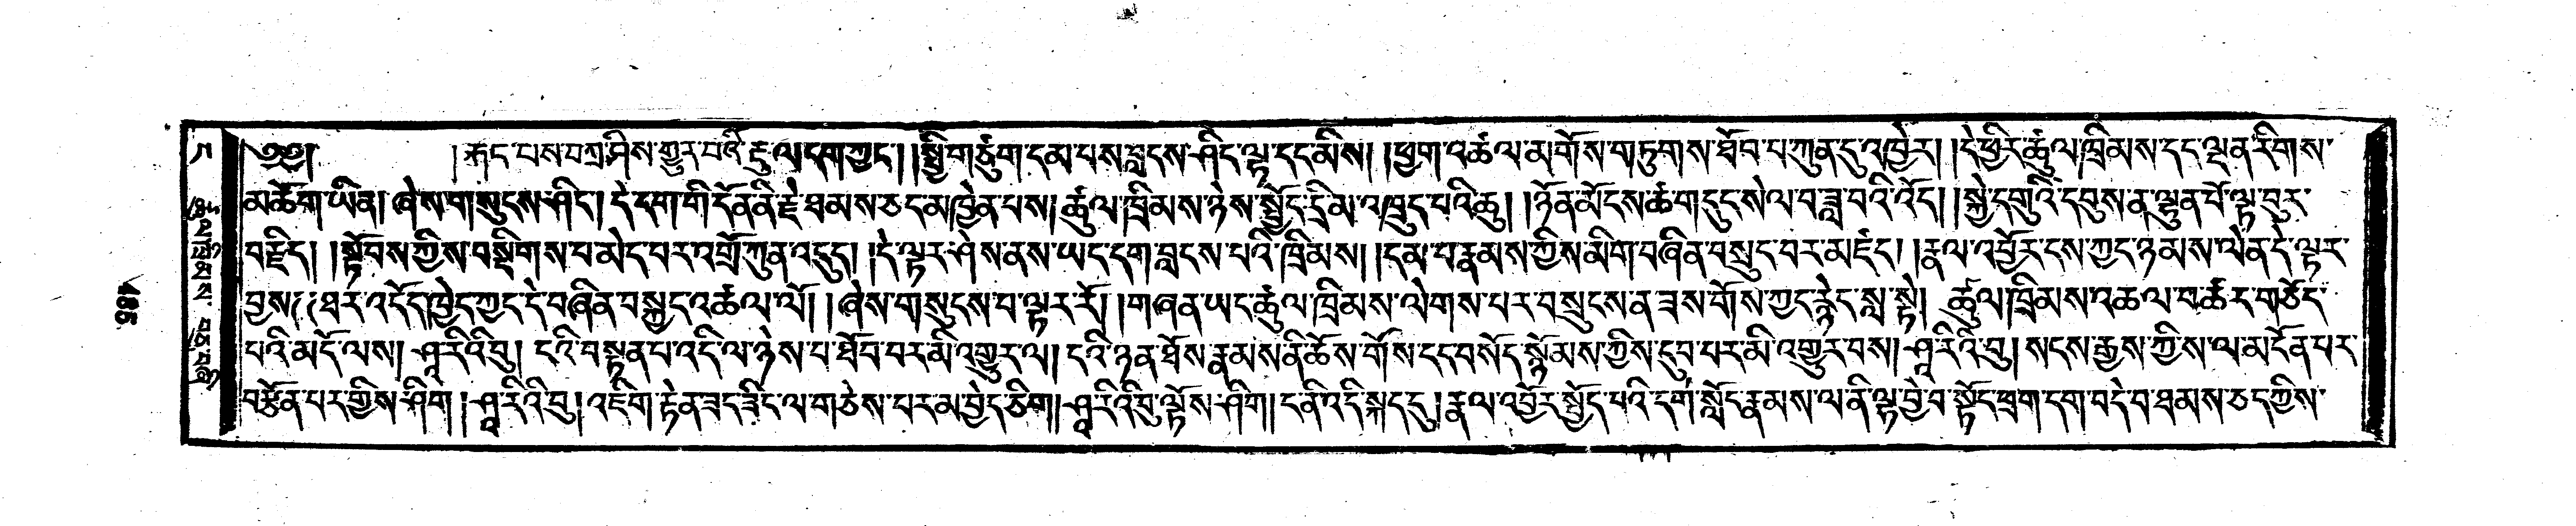༄༅། །རྐང་པས་བཀྲ་ཤིས་གྱུར་པའི་རྡུལ་དག་ཀྱང་། །སྤྱི་གཙུག་དམ་པས་བླངས་ཤིང་ལྷ་དང་མིས། །ཕྱག་འཚལ་མགོས་གཏུགས་ཐོབ་པ་ཀུན་དུ་འཁྱེར། །དེ་ཕྱིར་ཚུལ་ཁྲིམས་དད་ལྡན་རིགས་
མཆོག་ཡིན། ཞེས་གསུངས་ཤིང་། དེ་དག་གི་དོན་ནི་རྗེ་ཐམས་ཅད་མཁྱེན་པས། ཚུལ་ཁྲིམས་ཉེས་སྤྱོད་དྲི་མ་འཁྲུད་པའི་ཆུ། །ཉོན་མོངས་ཚ་གདུང་སེལ་བ་ཟླ་བའི་འོད། །སྐྱེ་དགུའི་དབུས་ན་ལྷུན་པོ་ལྟ་བུར་
བརྗིད། །སྟོབས་ཀྱིས་བསྡིགས་པ་མེད་པར་འགྲོ་ཀུན་འདུད། །དེ་ལྟར་ཤེས་ནས་ཡང་དག་བླངས་པའི་ཁྲིམས། །དམ་པ་རྣམས་ཀྱིས་མིག་བཞིན་བསྲུང་བར་མཛད། །རྣལ་འབྱོར་ངས་ཀྱང་ཉམས་ལེན་དེ་ལྟར་
བྱས༑ ༑ཐར་འདོད་ཁྱེད་ཀྱང་དེ་བཞིན་བསྐྱང་འཚལ་ལོ། །ཞེས་གསུངས་པ་ལྟར་རོ། །གཞན་ཡང་ཚུལ་ཁྲིམས་ལེགས་པར་བསྲུངས་ན་ཟས་གོས་ཀྱང་རྙེད་སླ་སྟེ། ཚུལ་ཁྲིམས་འཆལ་བ་ཚར་གཅོད་
པའི་མདོ་ལས། ཤཱ་རིའི་བུ། ངའི་བསྟན་པ་འདི་ལ་ཉེས་པ་ཐོབ་པར་མི་འགྱུར་ལ། ངའི་ཉན་ཐོས་རྣམས་ནི་ཆོས་གོས་དང་བསོད་སྙོམས་ཀྱིས་དུབ་པར་མི་འགྱུར་བས། ཤཱ་རིའི་བུ། སངས་རྒྱས་ཀྱི་ས་ལ་མངོན་པར་
བརྩོན་པར་གྱིས་ཤིག །ཤཱ་རིའི་བུ། འཇིག་རྟེན་ཟང་ཟིང་ལ་གཅེས་པར་མ་བྱེད་ཅིག །ཤཱ་རིའི་བུ་ལྟོས་ཤིག །ང་ནི་འདི་སྐད་དུ། རྣལ་འབྱོར་སྤྱོད་པའི་དགེ་སློང་རྣམས་ལ་ནི་ལྷ་བྱེ་བ་སྟོང་ཕྲག་དག་བདེ་བ་ཐམས་ཅད་ཀྱིས་